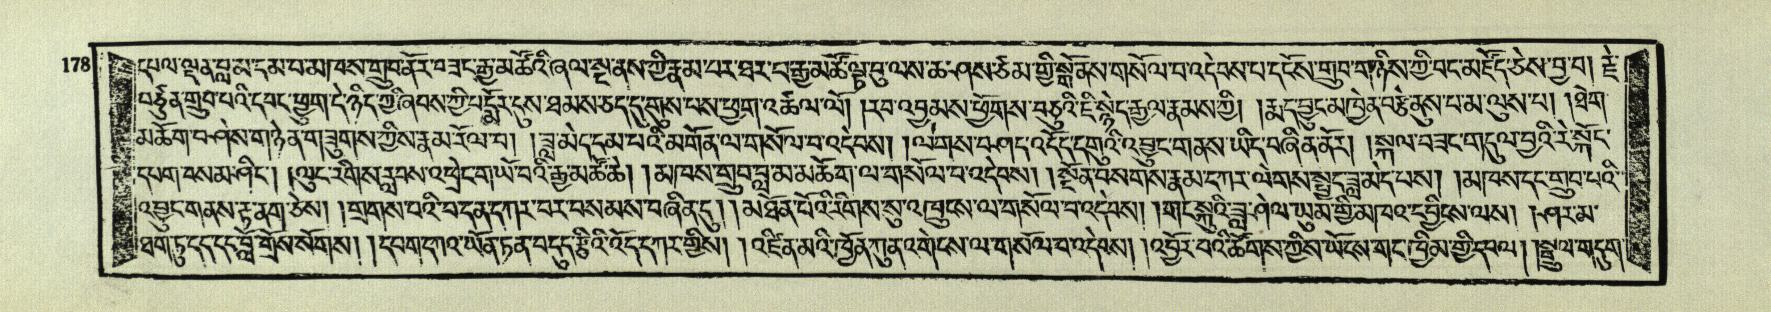དཔལ་ལྡན་བླ་མ་དམ་པ་མཁས་གྲུབ་ནོར་བཟང་རྒྱ་མཚོའི་ཞལ་སྔ་ནས་ཀྱི་རྣམ་པར་ཐར་པ་རྒྱ་མཚོ་ལྟ་བུ་ལས་ཆ་ཤས་ཙམ་གྱི་སྒོ་ནས་གསོལ་བ་འདེབས་པ་དངོས་གྲུབ་གཉིས་ཀྱི་བང་མཛོད་ཅེས་བྱ་བ། རྗེ་
བཙུན་གྲུབ་པའི་དབང་ཕྱུག་དེ་ཉིད་ཀྱི་ཞབས་ཀྱི་པདམོར་དུས་ཐམས་ཅད་དུ་གུས་པས་ཕྱག་འཚལ་ལོ། །རབ་འབྱམས་ཕྱོགས་བཅུའི་ཇི་སྙེད་རྒྱལ་རྣམས་ཀྱི། །རྨད་བྱུང་མཁྱེན་བརྩེ་ནུས་པ་མ་ལུས་པ། །ཐེག་
མཆོག་བཤེས་གཉེན་གཟུགས་ཀྱིས་རྣམ་རོལ་བ། །ཟླ་མེད་དམ་པའི་མགོན་ལ་གསོལ་བ་འདེབས། །ལེགས་བཤད་འདོད་དགུའི་འབྱུང་གནས་ཡིད་བཞིན་ནོར། །སྐལ་བཟང་གདུལ་བྱའི་རེ་སྐོང་
དཔག་བསམ་ཤིང་། །ལུང་རིགས་རླབས་འཕྲེང་གཡོ་བའི་རྒྱ་མཚོ་ཆེ། །མཁས་གྲུབ་བླ་མ་མཆོག་ལ་གསོལ་བ་འདེབས། །སྔོན་བསགས་རྣམ་དཀར་ལེགས་སྤྱད་ཟླ་མེད་པས། །མཁས་དང་གྲུབ་པའི་
འབྱུང་གནས་རྟ་ནག་ཅེས། །གྲགས་པའི་བདན་དཀར་བར་བསམས་བཞིན་དུ། །མཐོན་པོའི་རིགས་སུ་འཁྲུངས་ལ་གསོལ་བ་འདེབས། །གང་སྐུའི་ཟླ་ཤེལ་ཡུམ་གྱི་མཁའ་དབྱིངས་ལས། །ཤར་མ་
ཐག་ཏུ་དད་དང་བློ་གྲོས་སོགས། །དཔག་དཀའ་ཡོན་ཏན་བདུད་རྩིའི་འོད་དཀར་གྱིས། །འཛིན་མའི་ཁྱོན་ཀུན་འགེངས་ལ་གསོལ་བ་འདེབས། །འབྱོར་བའི་ཚོགས་ཀྱིས་ཡོངས་གང་ཁྱིམ་གྱི་དཔལ། །སྦྲུལ་གདུག་